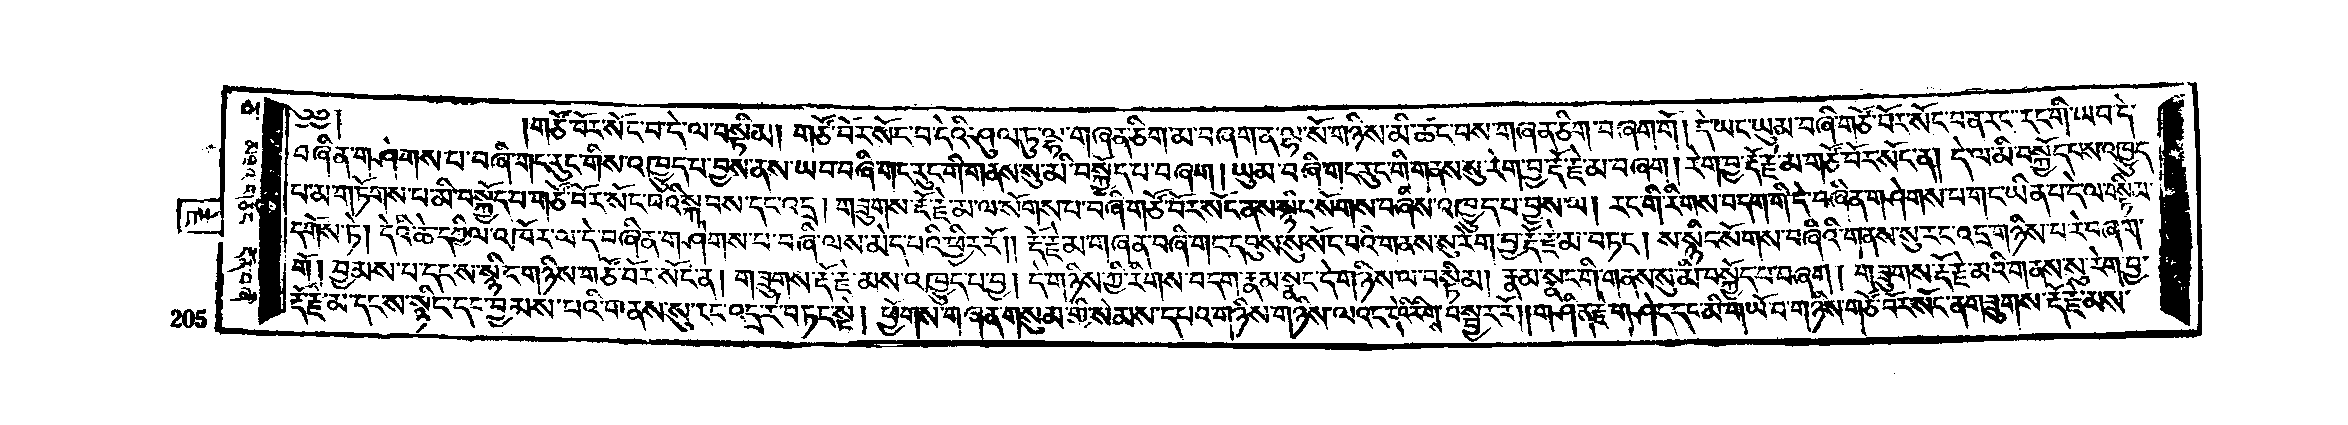༄༅། །གཙོ་བོར་སོང་བ་དེ་ལ་བསྟིམ། གཙོ་བོར་སོང་བ་དེའི་ཤུལ་ཏུ་ལྷ་གཞན་ཅིག་མ་བཞག་ན་ལྷ་སོ་གཉིས་མི་ཚང་བས་གཞན་ཅིག་བཞག་གོ །དེ་ཡང་ཡུམ་བཞི་གཙོ་བོར་སོང་བ་ན་རང་རང་གི་ཡབ་དེ་
བཞིན་གཤེགས་པ་བཞི་གང་རུང་གིས་འཁྱུད་པ་བྱས་ནས་ཡབ་བཞི་གང་རུང་གི་གནས་སུ་མི་བསྐྱོད་པ་བཞག །ཡུམ་བཞི་གང་རུང་གི་གནས་སུ་རེག་བྱ་རྡོ་རྗེ་མ་བཞག །རེག་བྱ་རྡོ་རྗེ་མ་གཙོ་བོར་སོང་ན། དེ་ལ་མི་བསྐྱོད་པས་འཁྱུད་
པ་མ་གཏོགས་པ་མི་བསྐྱོད་པ་གཙོ་བོར་སོང་བའི་སྐབས་དང་འདྲ། གཟུགས་རྡོ་རྗེ་མ་ལ་སོགས་པ་བཞི་གཙོ་བོར་སོང་ནས་སྙིང་སོགས་བཞིས་འཁྱུད་པ་བྱས་ལ། རང་གི་རིགས་བདག་གི་དེ་བཞིན་གཤེགས་པ་གང་ཡིན་པ་དེ་ལ་བསྟིམ་
དགོས་ཏེ། དེའི་ཆེ་དཀྱིལ་འཁོར་ལ་དེ་བཞིན་གཤེགས་པ་བཞི་ལས་མེད་པའི་ཕྱིར་རོ། །རྡོ་རྗེ་མ་གཞན་བཞི་གང་དབུས་སུ་སོང་བའི་གནས་སུ་རེག་བྱ་རྡོ་རྗེ་མ་བཏང་། ས་སྙིང་སོགས་བཞིའི་གནས་སུ་རང་འདྲ་གཉིས་པ་རེ་བཞག་
གོ །བྱམས་པ་དང་ས་སྙིང་གཉིས་གཙོ་བོར་སོང་ན། གཟུགས་རྡོ་རྗེ་མས་འཁྱུད་པ་བྱ། དེ་གཉིས་ཀྱི་རིགས་བདག་རྣམ་སྣང་དེ་གཉིས་ལ་བསྟིམ། རྣམ་སྣང་གི་གནས་སུ་མི་བསྐྱོད་པ་བཞག །གཟུགས་རྡོ་རྗེ་མའི་གནས་སུ་རེག་བྱ་
རྡོ་རྗེ་མ་དང་ས་སྙིང་དང་བྱམས་པའི་གནས་སུ་རང་འདྲ་རེ་བཏང་སྟེ། ཕྱོགས་གཞན་གསུམ་གྱི་སེམས་དཔའ་གཉིས་གཉིས་ལའང་དེའི་རིགས་པ་སྦྱར་རོ། །གཤིན་རྗེ་གཤེད་དང་མི་གཡོ་བ་གཉིས་གཙོ་བོར་སོང་ན་གཟུགས་རྡོ་རྗེ་མས་